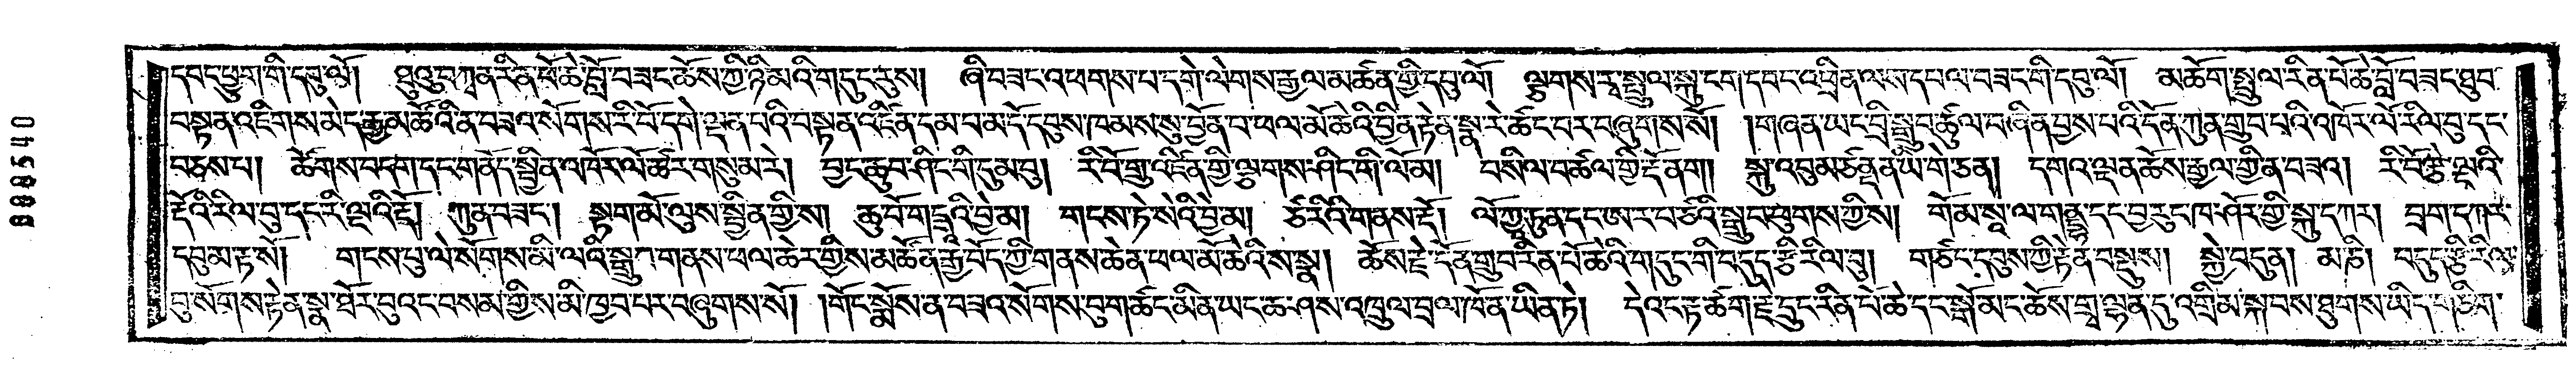དབང་ཕྱུག་གི་དབུ་ལ། ཐུའུ་བཀྭན་རིན་པོ་ཆེ་བློ་བཟང་ཆོས་ཀྱི་ཉི་མའི་གདུང་རུས། ཞི་བཟང་འཕགས་པ་དགེ་ལེགས་རྒྱལ་མཚན་གྱི་དབུ་ལོ། །ལྕགས་རྭ་སྦྲུལ་སྐུ་ངག་དབང་འཕྲིན་ལས་དཔལ་བཟང་གི་དབུ་ལོ། །མཆོག་སྤྲུལ་རིན་པོ་ཆེ་བློ་བཟང་ཐུབ་
བསྟན་འཇིགས་མེད་རྒྱ་མཚོའི་ན་བཟའ་སོགས་རི་བོ་དགེ་ལྡན་པའི་བསྟན་འཛིན་དམ་པ་མདོ་དབུས་ཁྱམས་སུ་བྱོན་པ་ཕལ་མོ་ཆེའི་བྱིན་རྟེན་སྣ་རེ་ཚང་བར་བཞུགས་སོ། །གཞན་ཡང་བྲི་སྒྲུབ་ཚུལ་བཞིན་བྱས་པའི་དོན་ཀུན་གྲུབ་པའི་འཁོར་ལོ་རིལ་བུ་དང་
བཅས་པ། ཚོགས་བདག་དང་གནོད་སྤྱིན་འཁོར་ལོ་ཚར་གསུམ་རེ། བྱང་ཆུབ་ཤིང་གི་དུམ་བུ། རི་བོ་གྲུ་འཛིན་གྱི་ལྕགས་ཤིང་གི་ལོ་མ། བསིལ་བ་ཚལ་གྱི་རྡོ་ནག །སྐུ་འབུམ་ཙནྡན་ཡི་གེ་ཅན། དགའ་ལྡན་ཆོས་རྒྱལ་གྱི་ན་བཟའ། །རི་བོ་རྩེ་ལྔའི་
རྡོའི་རིལ་བུ་དང་རི་ལྔའི་རྡོ། ཀུན་བཟང་། སྟག་མོ་ལུས་སྦྱིན་གྱིས། ཆུ་བོ་གང་ངའི་བྱེ་མ། གངས་ཏེ་སེའི་བྱེ་མ། ཙ་རིའི་གནས་རྡོ། ལོ་ཀྱ་ཏུན་དང་ཨ་ར་པ་ཙའི་སྒྲུབ་ཕུགས་ཀྱིས། གོ་མ་སཱ་ལ་གནྡྷ་དང་བྱ་རུང་ཁ་ཤོར་གྱི་སྐུ་དཀར། བྲག་དཀར་
དབུམ་རྟ་སོ། གངས་པུ་ལེ་སོགས་མི་ལའི་སྒྲུབ་གནས་ཕལ་ཆེར་གྱིས་མཚོན་རྒྱ་བོད་ཀྱི་གནས་ཆེན་ཕལ་མོ་ཆེའི་ས་སྣ། ཆོས་རྗེ་དོན་གྲུབ་རིན་པོ་ཆེའི་གདུང་གི་བདུད་རྩི་རིལ་བུ། གཙང་དབུས་ཀྱི་རྟེན་བསྡུས། སྐྱེ་བདུན། མ་ཎི། བདུད་རྩི་རིལ་
པུ་སོགས་རྟེན་སྣ་ཐོར་བུའང་བསམ་གྱིས་མི་ཁྱབ་པར་བཞུགས་སོ། །གོང་སྨོས་ན་བཟའ་སོགས་བུག་ཚང་མིན་ཡང་ཆ་ཤས་འཁྲུལ་བྲལ་ཁོ་ན་ཡིན་ཏེ། དེའང་རྟ་ཚག་རྗེ་དྲུང་རིན་པོ་ཆེ་དང་སྒོ་མང་ཆོས་གྲྭ་ལྷན་དུ་འགྲིམ་སྐབས་ཐུགས་ཡིད་གཅིག་